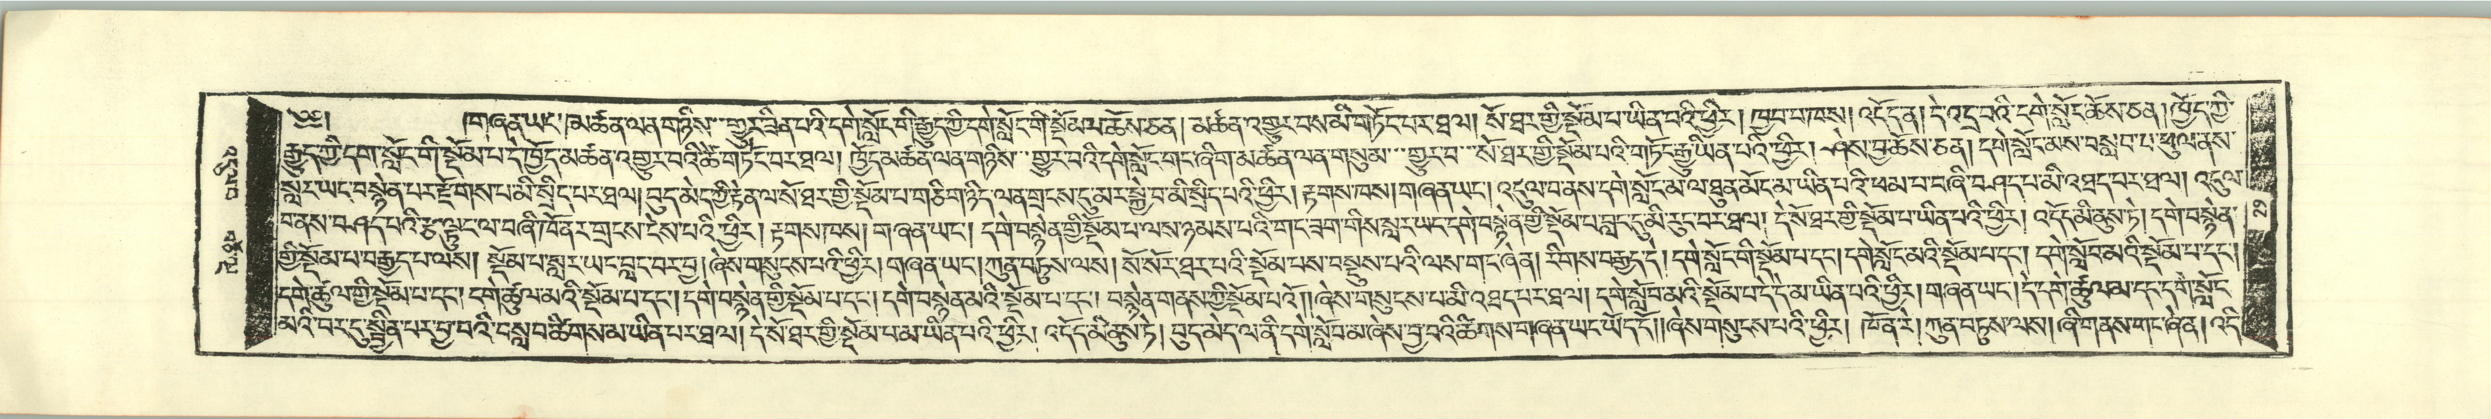༄༅། །གཞན་ཡང་། མཚན་ལན་གཉིས་གྱུར་ཟིན་པའི་དགེ་སློང་གི་རྒྱུད་ཀྱི་དགེ་སློང་གི་སྡོམ་པ་ཆོས་ཅན། མཚན་འགྱུར་བས་མི་གཏོང་པར་ཐལ། སོ་ཐར་གྱི་སྡོམ་པ་ཡིན་པའི་ཕྱིར། ཁྱབ་པ་ཁས། འདོད་ན། དེ་འདྲ་བའི་དགེ་སློང་ཆོས་ཅན། ཁྱོད་ཀྱི་
རྒྱུད་ཀྱི་དག་སློང་གི་སྡོམ་པ་དེ་ཁྱོད་མཚན་འགྱུར་བའི་ཚེ་གཏོང་བར་ཐལ། ཁྱོད་མཚན་ལན་གཉིས་གྱུར་བའི་དགེ་སློང་གང་ཞིག་མཚན་ལན་གསུམ་གྱུར་བ་སོ་ཐར་གྱི་སྡོམ་པའི་གཏོང་རྒྱུ་ཡིན་པའི་ཕྱིར། ཤེས་བྱ་ཆོས་ཅན། དགེ་སློང་མས་བསླབ་པ་ཕུལ་ནས་
སླར་ཡང་བསྙེན་པར་རྫོགས་པ་མི་སྲིད་པར་ཐལ། བུད་མེད་ཀྱི་རྟེན་ལ་སོ་ཐར་གྱི་སྡོམ་པ་གཅིག་ཉིད་ལན་གྲངས་དུ་མར་སྐྱེ་བ་མི་སྲིད་པའི་ཕྱིར། རྟགས་ཁས། གཞན་ཡང་། འདུལ་བ་ནས་དགེ་སློང་མ་ལ་ཐུན་མོང་མ་ཡིན་པའི་ཕམ་པ་བཞི་བཤད་པ་མི་འཐད་པར་ཐལ། འདུལ་
བ་ནས་བཤད་པའི་རྩ་ལྟུང་ལ་བཞི་ཁོ་ནར་གྲངས་ངེས་པའི་ཕྱིར། རྟགས་ཁས། གཞན་ཡང་། དགེ་བསྙེན་གྱི་སྡོམ་པ་ལས་ཉམས་པའི་གང་ཟག་གིས་སླར་ཡང་དགེ་བསྙེན་གྱི་སྡོམ་པ་བླང་དུ་མི་རུང་བར་ཐལ། དེ་སོ་ཐར་གྱི་སྡོམ་པ་ཡིན་པའི་ཕྱིར། འདོད་མི་ནུས་ཏེ། དགེ་བསྙེན་
གྱི་སྡོམ་པ་བརྒྱད་པ་ལས། སྡོམ་པ་སླར་ཡང་བླང་བར་བྱ། ཞེས་གསུངས་པའི་ཕྱིར། གཞན་ཡང་། ཀུན་བཏུས་ལས། སོ་སོར་ཐར་པའི་སྡོམ་པས་བསྡུས་པའི་ལས་གང་ཞེ་ན། རིགས་བརྒྱད་དེ། དགེ་སློང་གི་སྡོམ་པ་དང་། དགེ་སློང་མའི་སྡོམ་པ་དང་། དགེ་སློང་མའི་སྡོམ་པ་དང་།
དགེ་ཚུལ་གྱི་སྡོམ་པ་དང་། དགེ་ཚུལ་མའི་སྡོམ་པ་དང་། དགེ་བསྙེན་གྱི་སྡོམ་པ་དང་། དགེ་བསྙེན་མའི་སྡོམ་པ་དང་། བསྙེན་གནས་ཀྱི་སྡོམ་པའོ། །ཞེས་གསུངས་པ་མི་འཐད་པར་ཐལ། དགེ་སློབ་མའི་སྡོམ་པ་དེ་དེ་མ་ཡིན་པའི་ཕྱིར། གཞན་ཡང་། དེ་དགེ་ཚུལ་མ་དང་དགེ་སློང་
མའི་བར་དུ་སྦྱིན་པར་བྱ་བའི་བསླབ་ཚིགས་མ་ཡིན་པར་ཐལ། དེ་སོ་ཐར་གྱི་སྡོམ་པ་མ་ཡིན་པའི་ཕྱིར། འདོད་མི་ནུས་ཏེ། བུད་མེད་ལ་ནི་དགེ་སློབ་མ་ཞེས་བྱ་བའི་ཚིགས་གཞན་ཡང་ཡོད་དོ། །ཞེས་གསུངས་པའི་ཕྱིར། ཁོ་ན་རེ། ཀུན་བཏུས་ལས། ཞི་གནས་གང་ཞེ་ན། འདི་